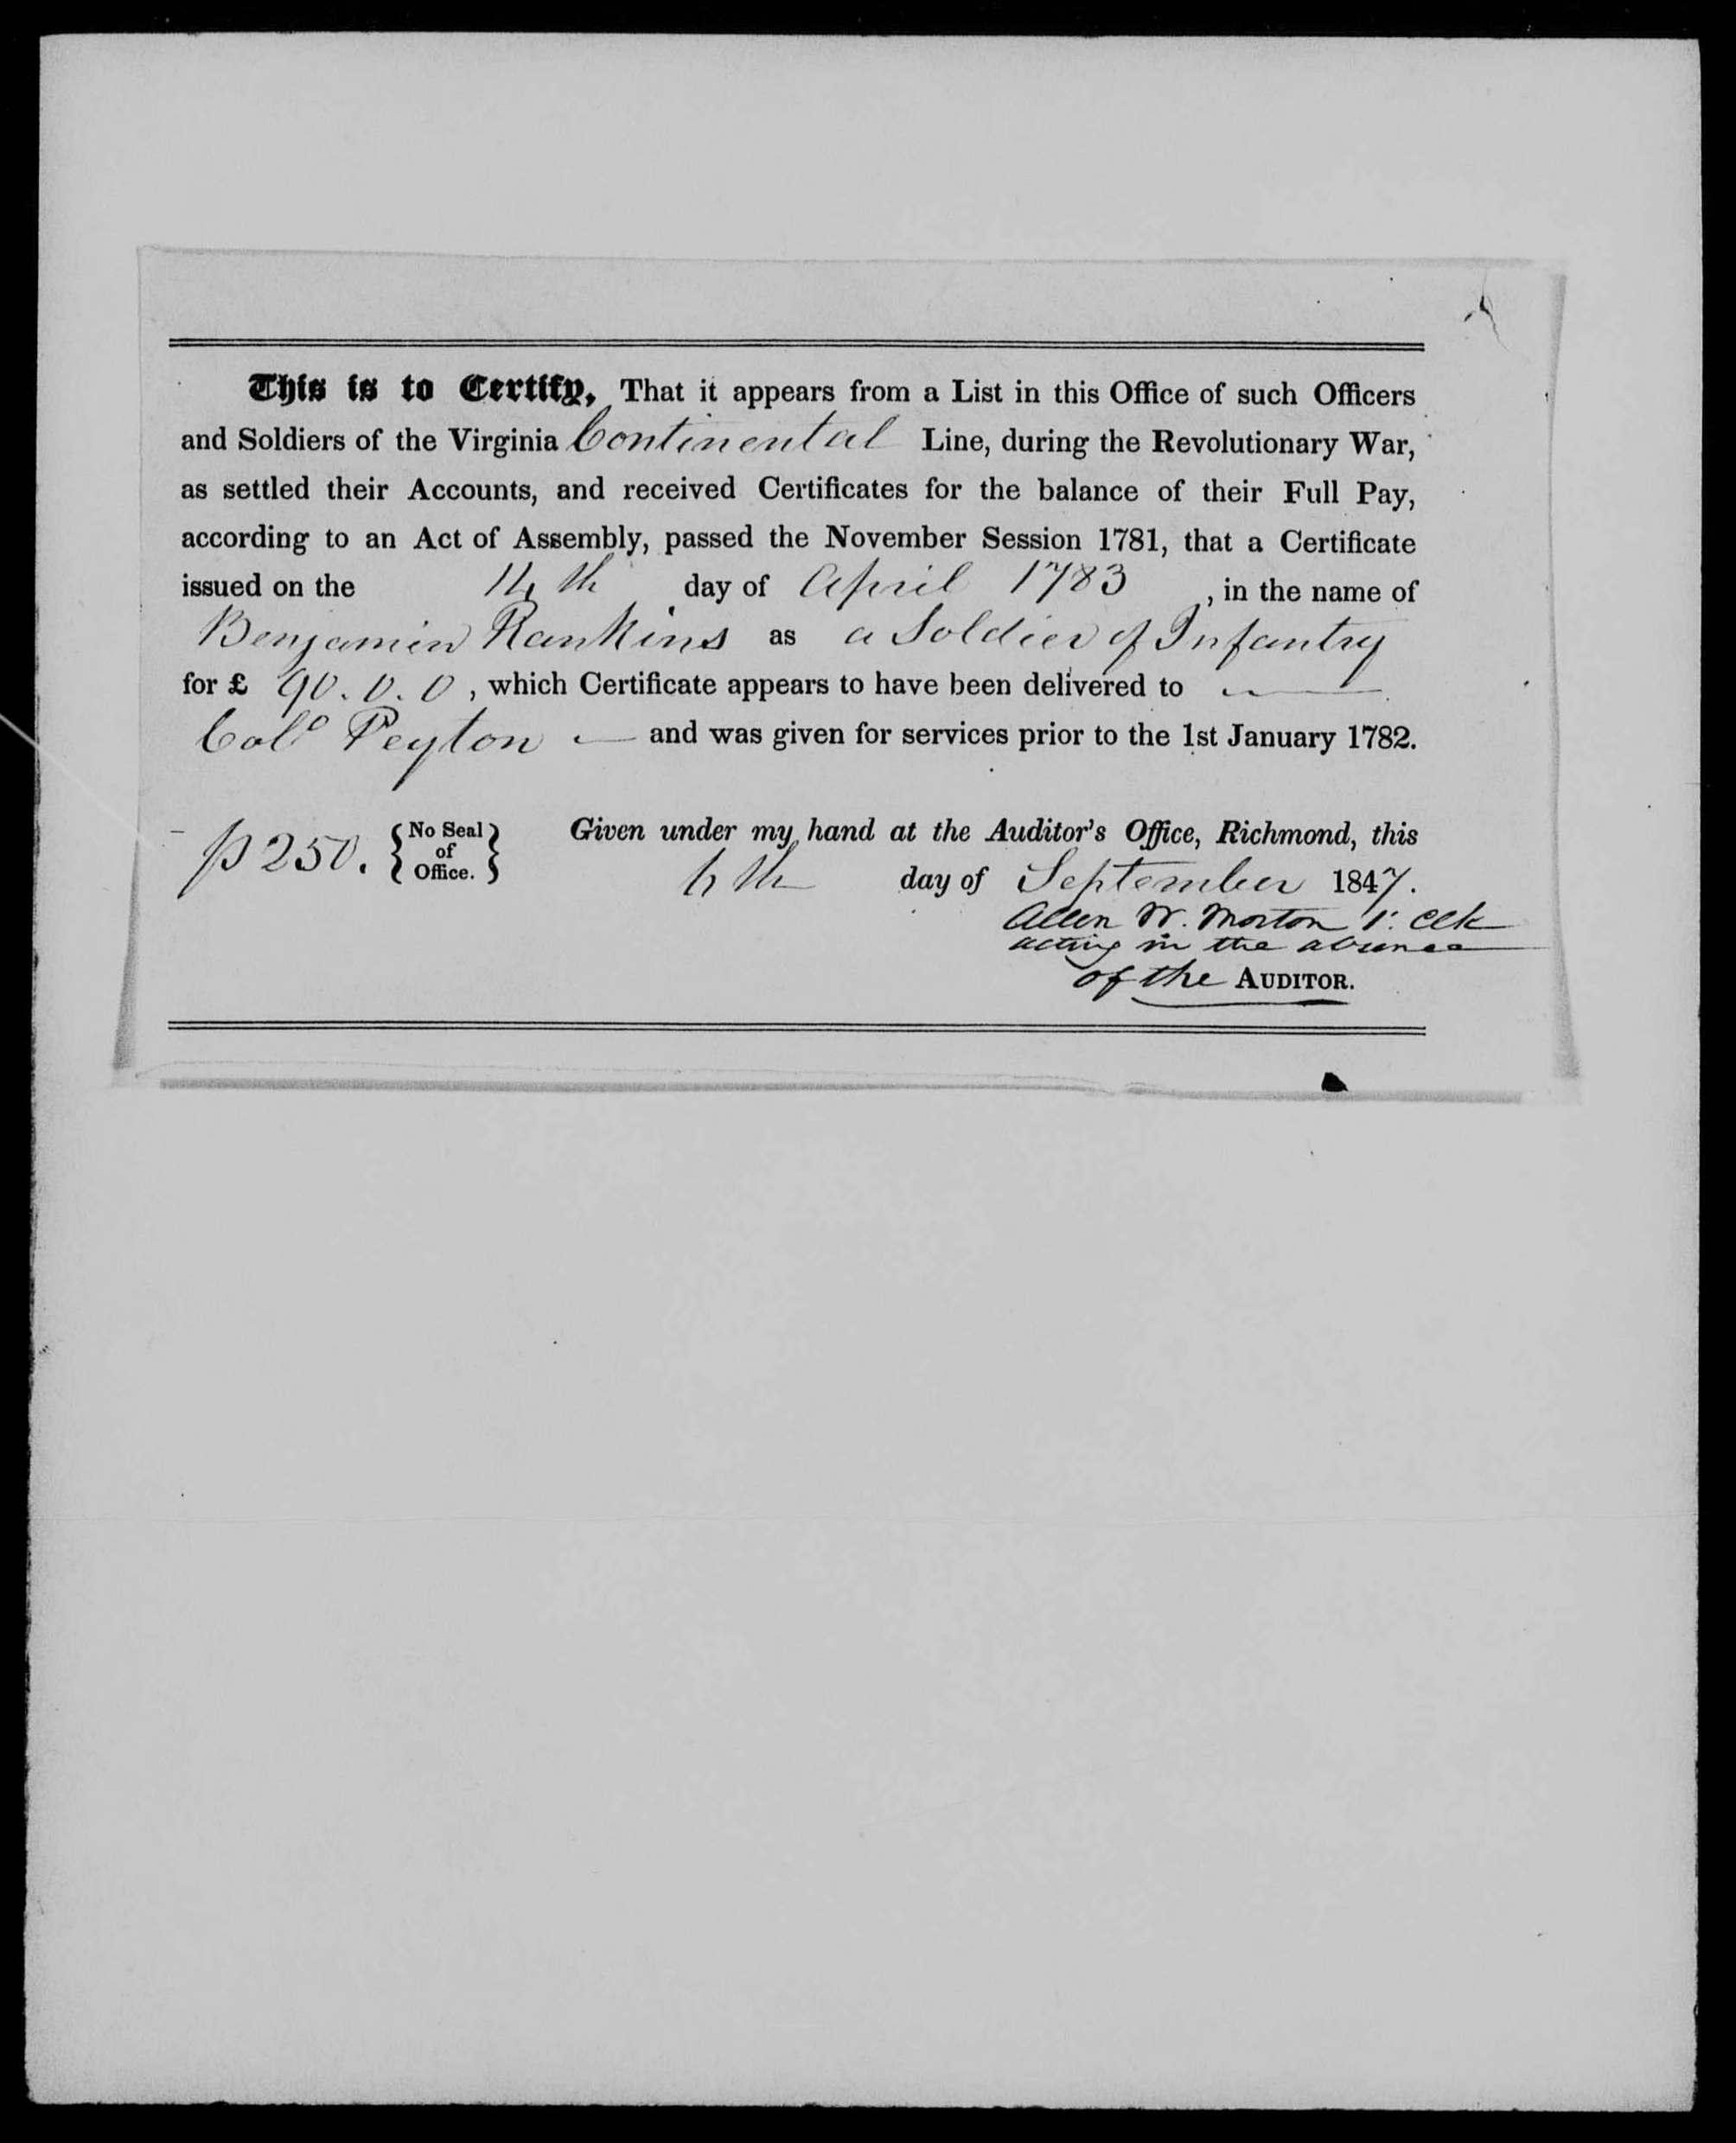This is to Certify, That it appears from a List in this office of such Officers and Soldiers of the Virginia Continental Line, during the Revolutionary War, as settled their Accounts, and received Certificates for the balance of their Full Pay, according to an Act of Assembly, passed the November Session 1781, that a Certificate issued on the 14th day of April 1783, in the name of Benjamin Rankins as a soldier of Infantry for £90.0.0, which Certificate appears to have been delivered to
Col Peyton and was given for services prior to the 1st January 1782.
p. 250. {No Seal of Office}
Given under my hand at the Auditor's Office, Richmond, this 6th day of September 1847.
Allen W. Morton 1. Clk
acting in the absence
of the AUDITOR.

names: Benjamin Rankins, Peyton, Allen W Morton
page: 23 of 84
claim: widow's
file: W. 7744, Daniel Hickey, Penn.